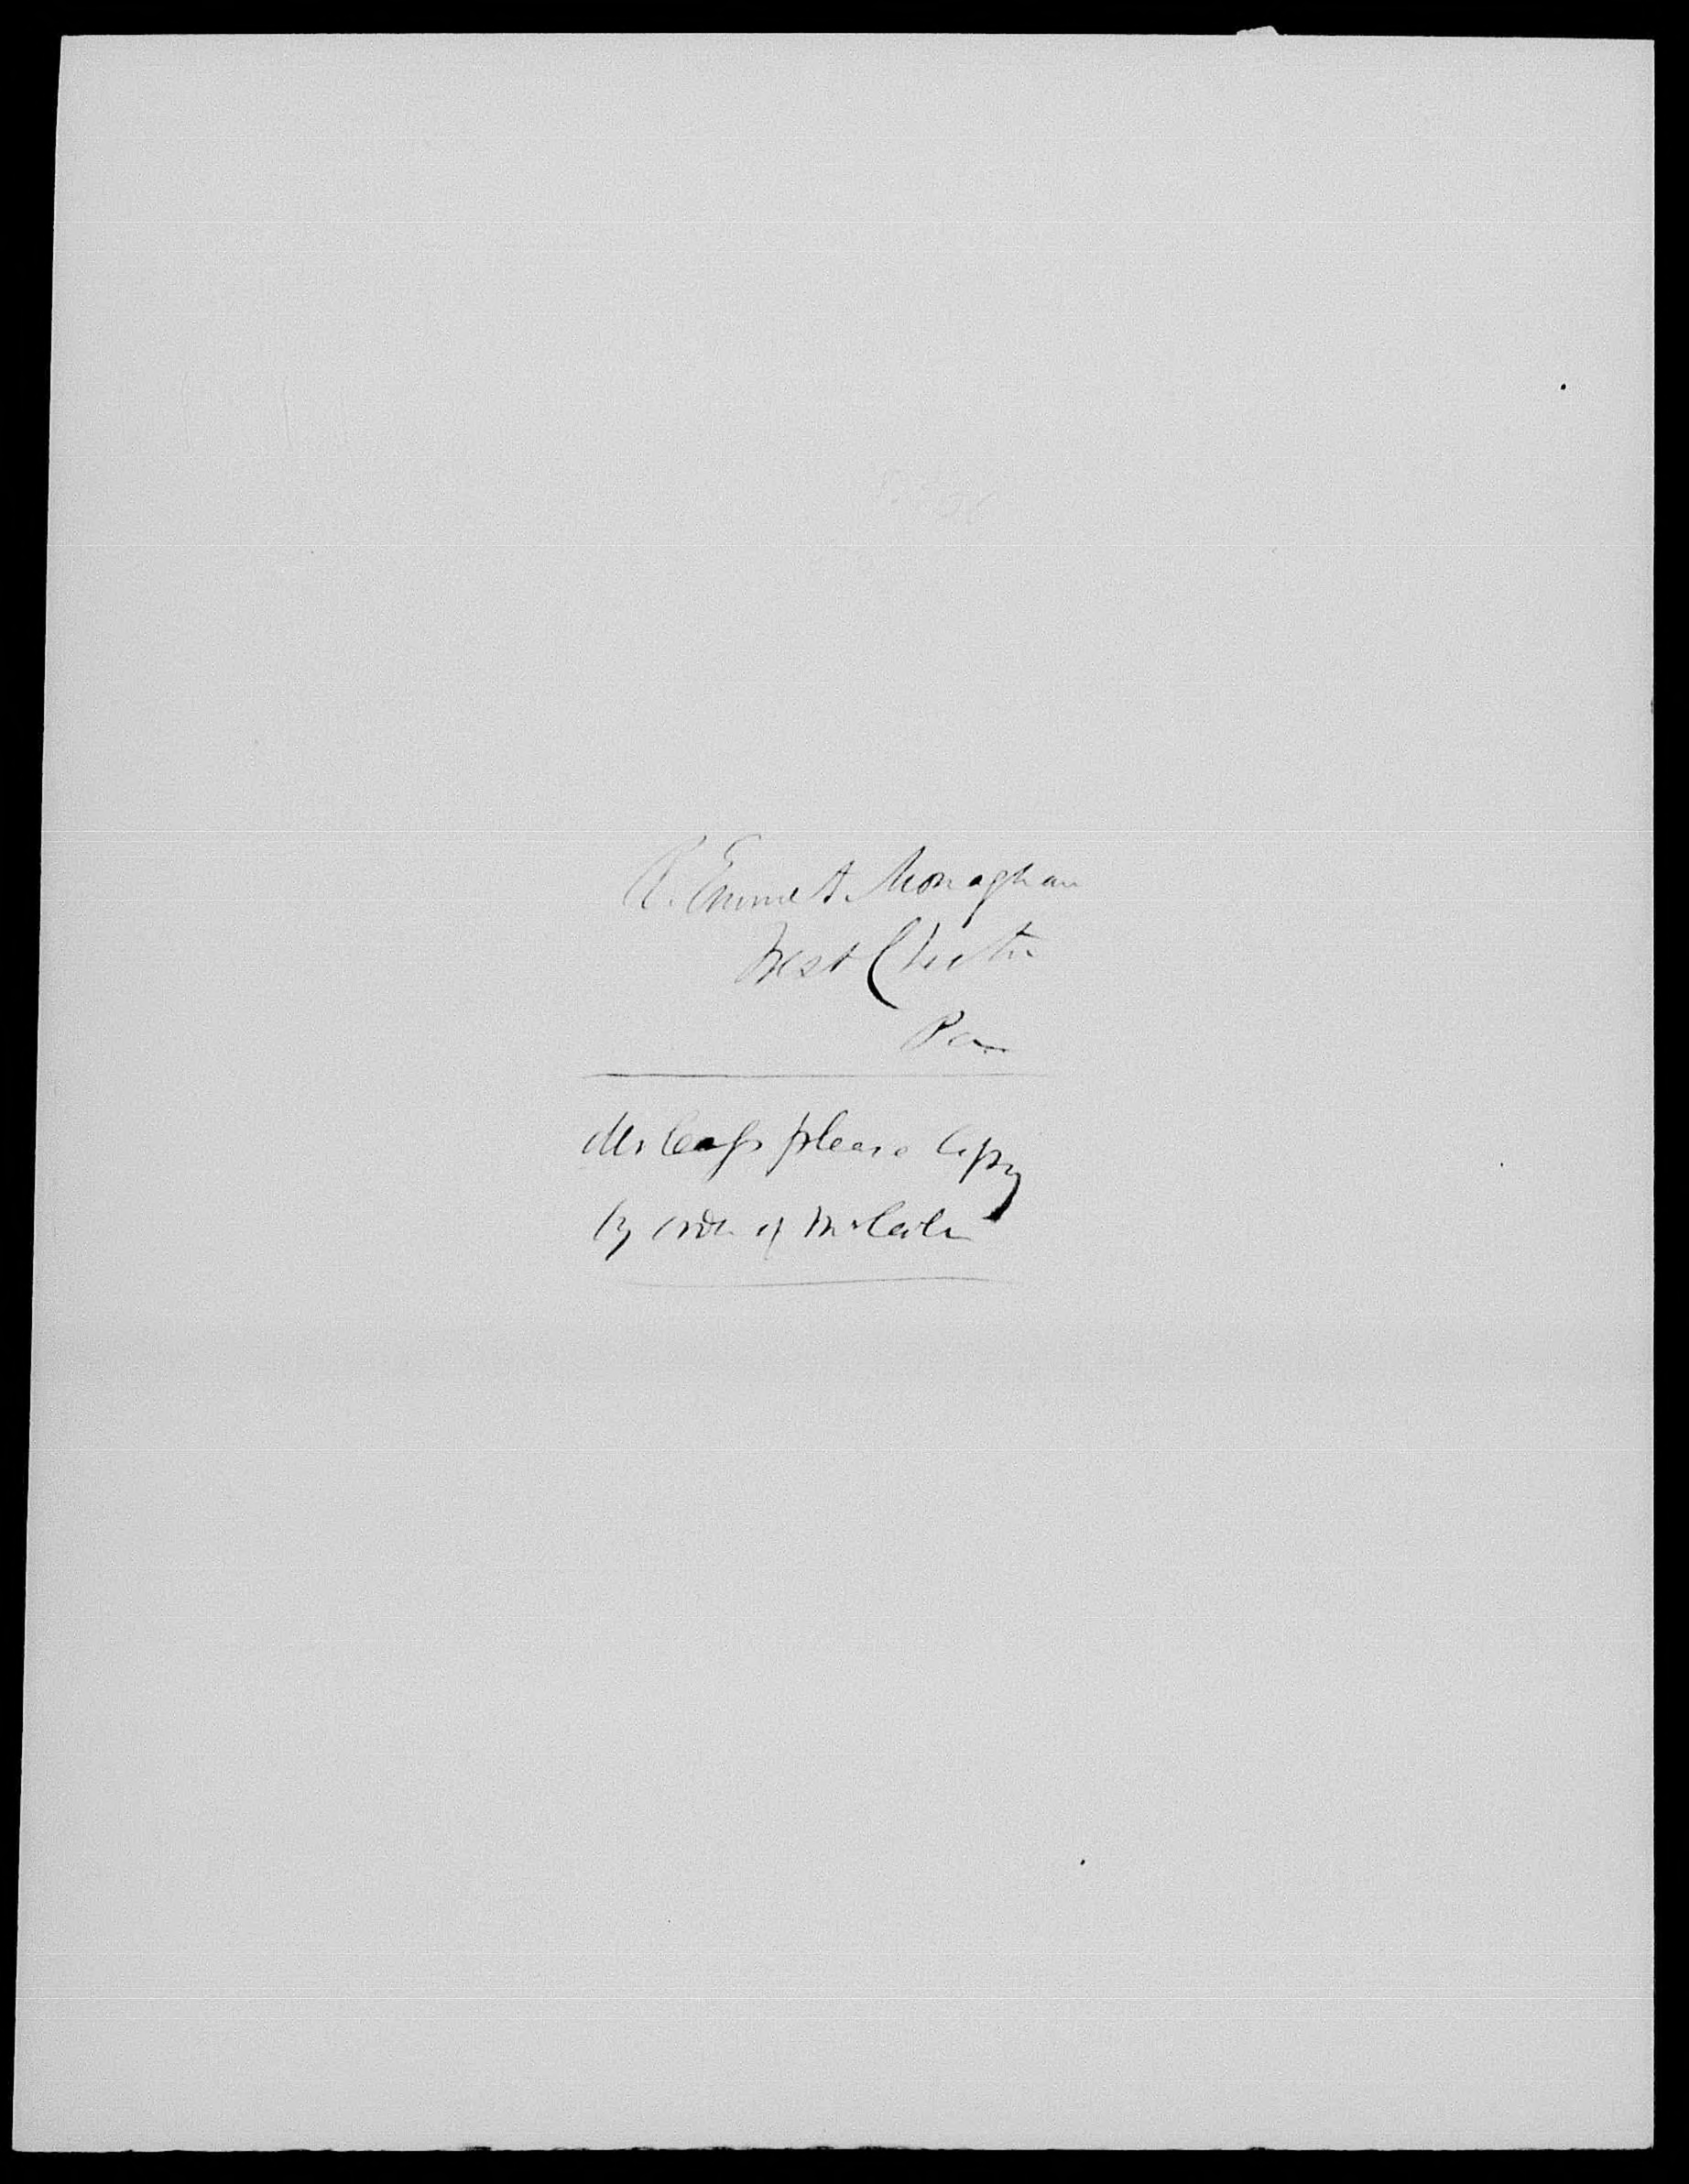A Emmet Monaghan
Westchester
Pa

Denleaf please copy
by order of MrCevlr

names: Cass, R Emmet Monaghan, Cole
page: 27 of 74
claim: widow's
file: W. 9422, James Edgar, Penn.